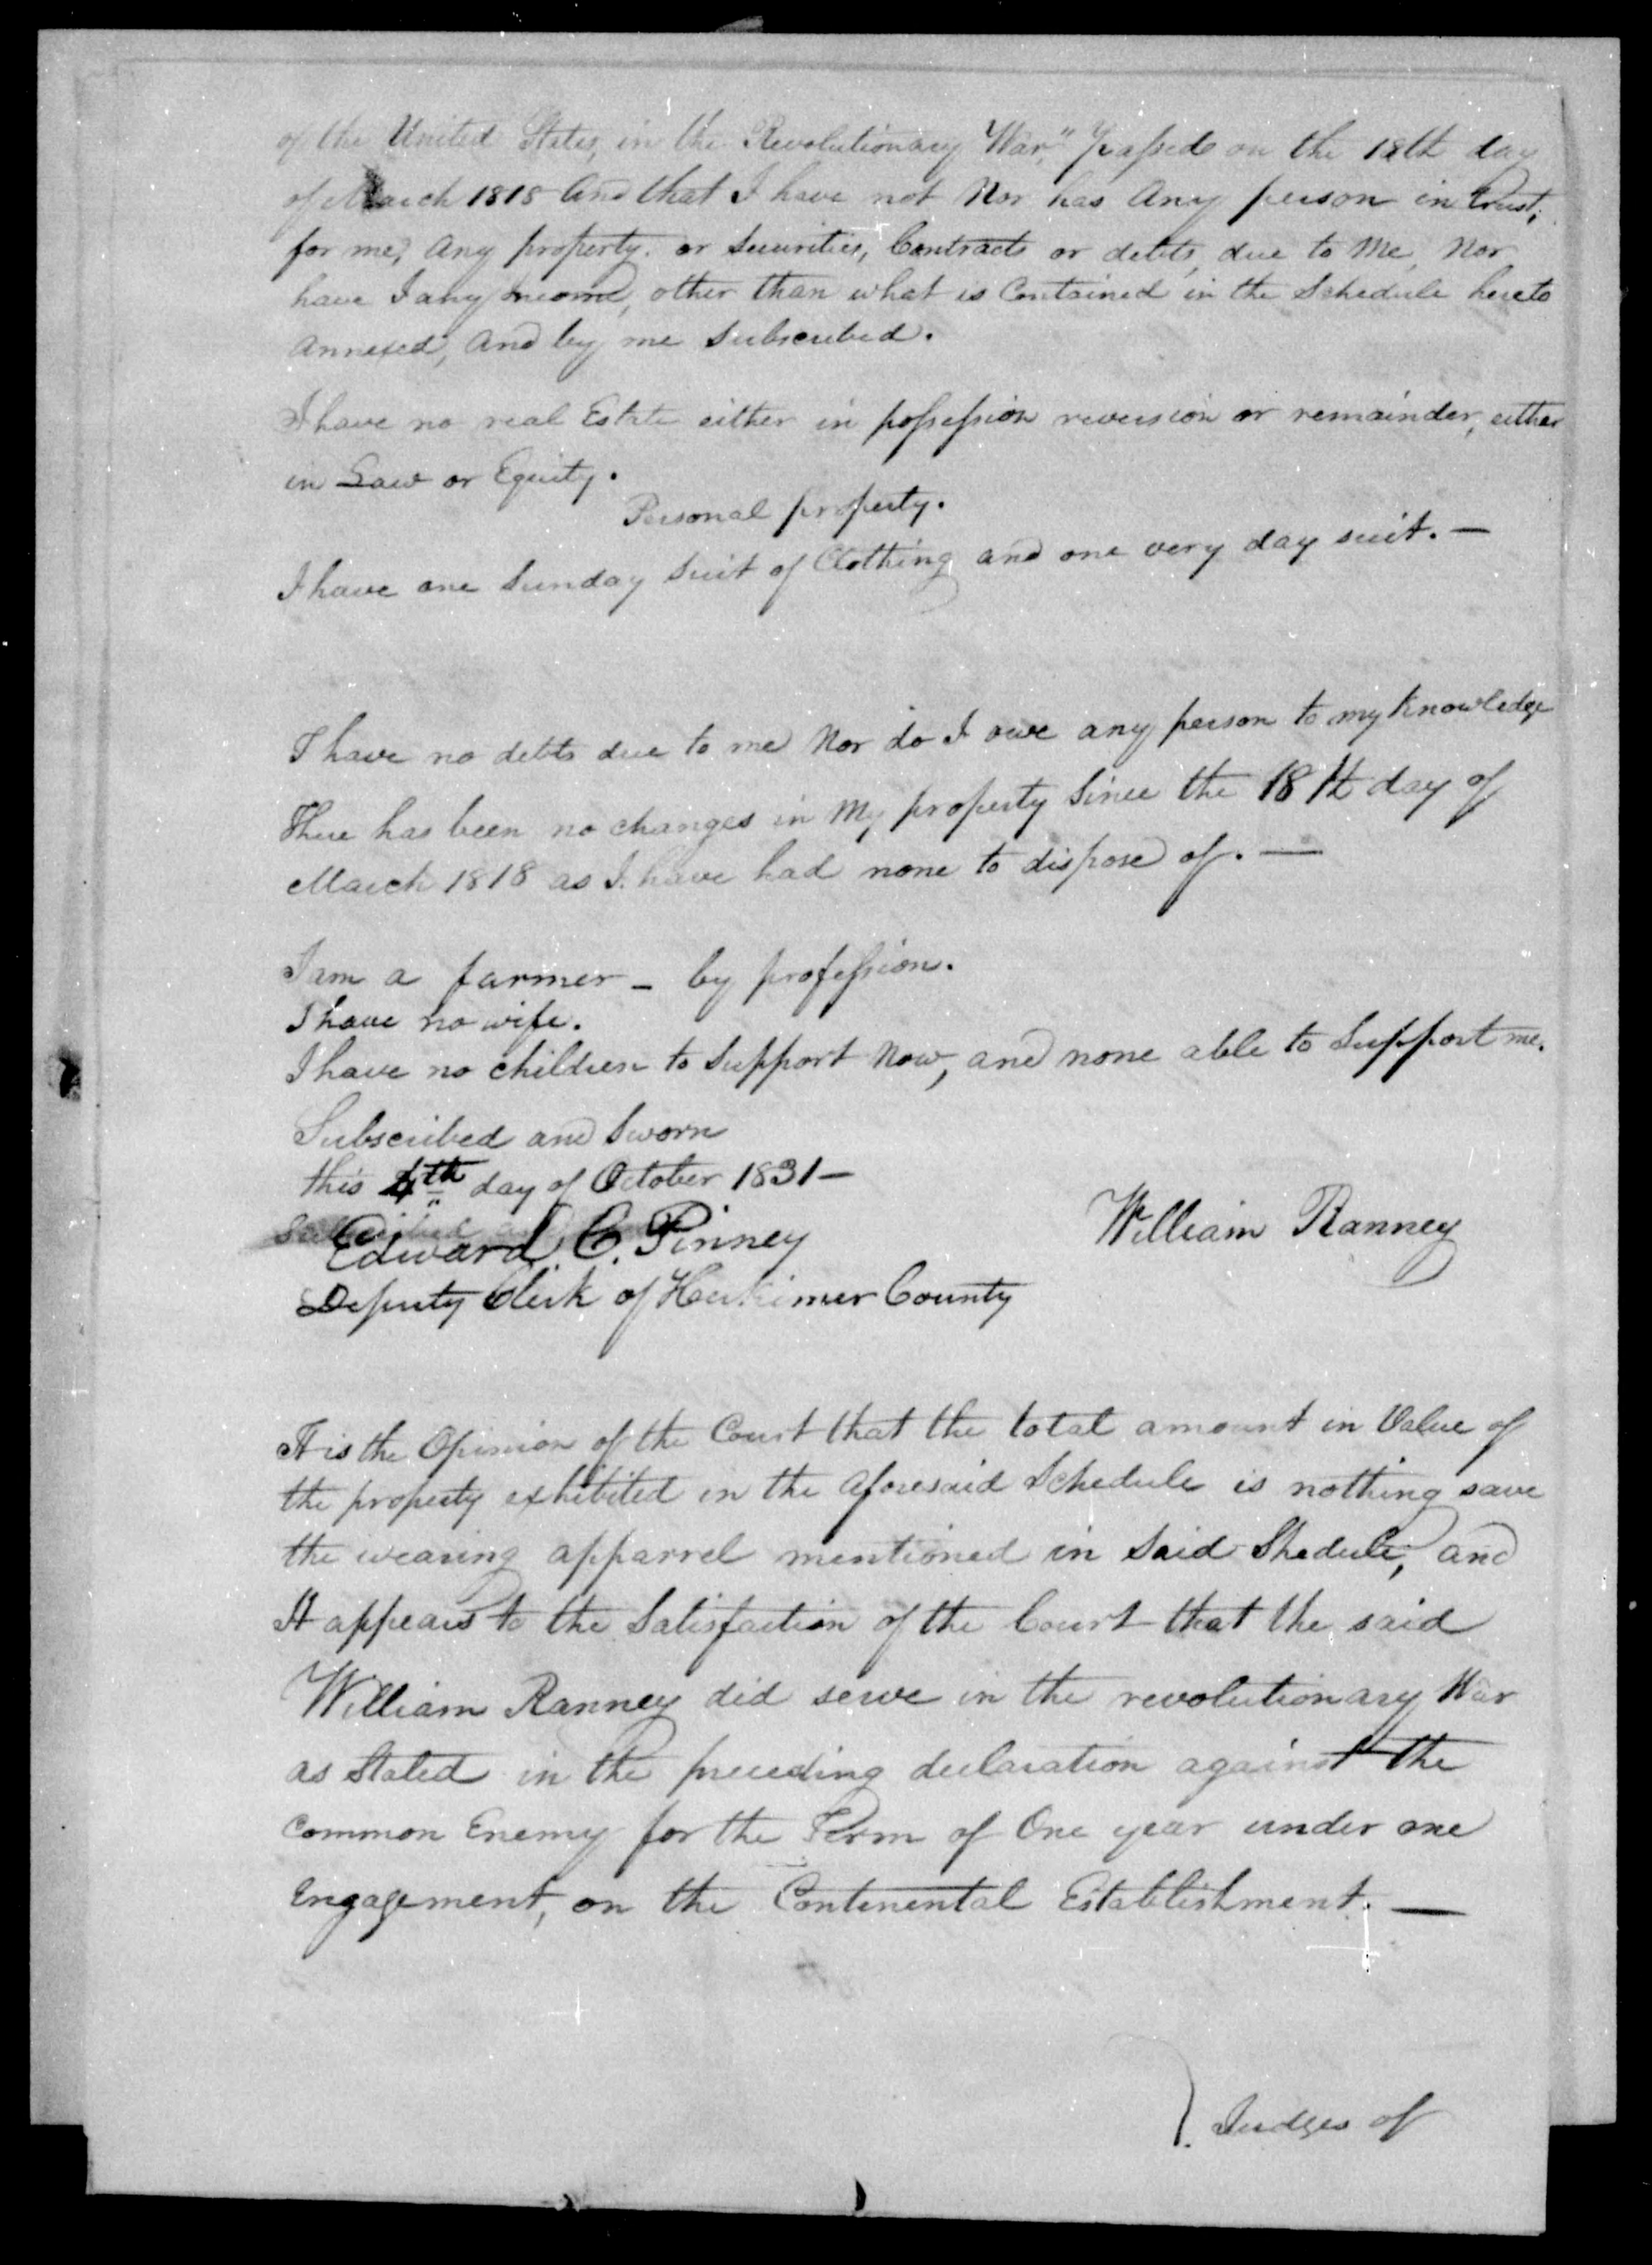of the United States in the Revolutionary War" passed on the 18th day of March 1815 and that I have not nor has any person in trust for me any property or securities contract or debts due to me nor have I any income other than what is contained in the scheduled hereto annexed and by me subscribed.
I have no real estate either in possession reversion or remainder either in law or equity.
Personal property. I have one Sunday suit of clothing and one very [every] day suit
I have not debts due to me nor do I owe any person to my knowledge there has been no changes in my property since the 18th day of March 1818 as I have had none to dispose of
I am a farmer by profession
I have no wife
I have no children to support now and none able to support me.
William Ranney
Subscribed and sworn this 4th day of October 1831
Edward C Pinney Deputy clerk of Herkimer County
It is the opinion of the court that the total amount in value of the property exhibited in the aforesaid schedule is nothing save the wearing apparrel [apparel] mentioned in said schedule and it appears to the satisfaction of the court that the said William Ranney did serve in the revolutionary war as stated in the preceding declaration against the common enemy for the term of one year under one engagement on the continental establishment
Judges of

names: Edward C Pinney; William Ranney; William Ranney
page: 4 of 12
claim: rejected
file: R. 8,593, for William Ranney, Connecticut